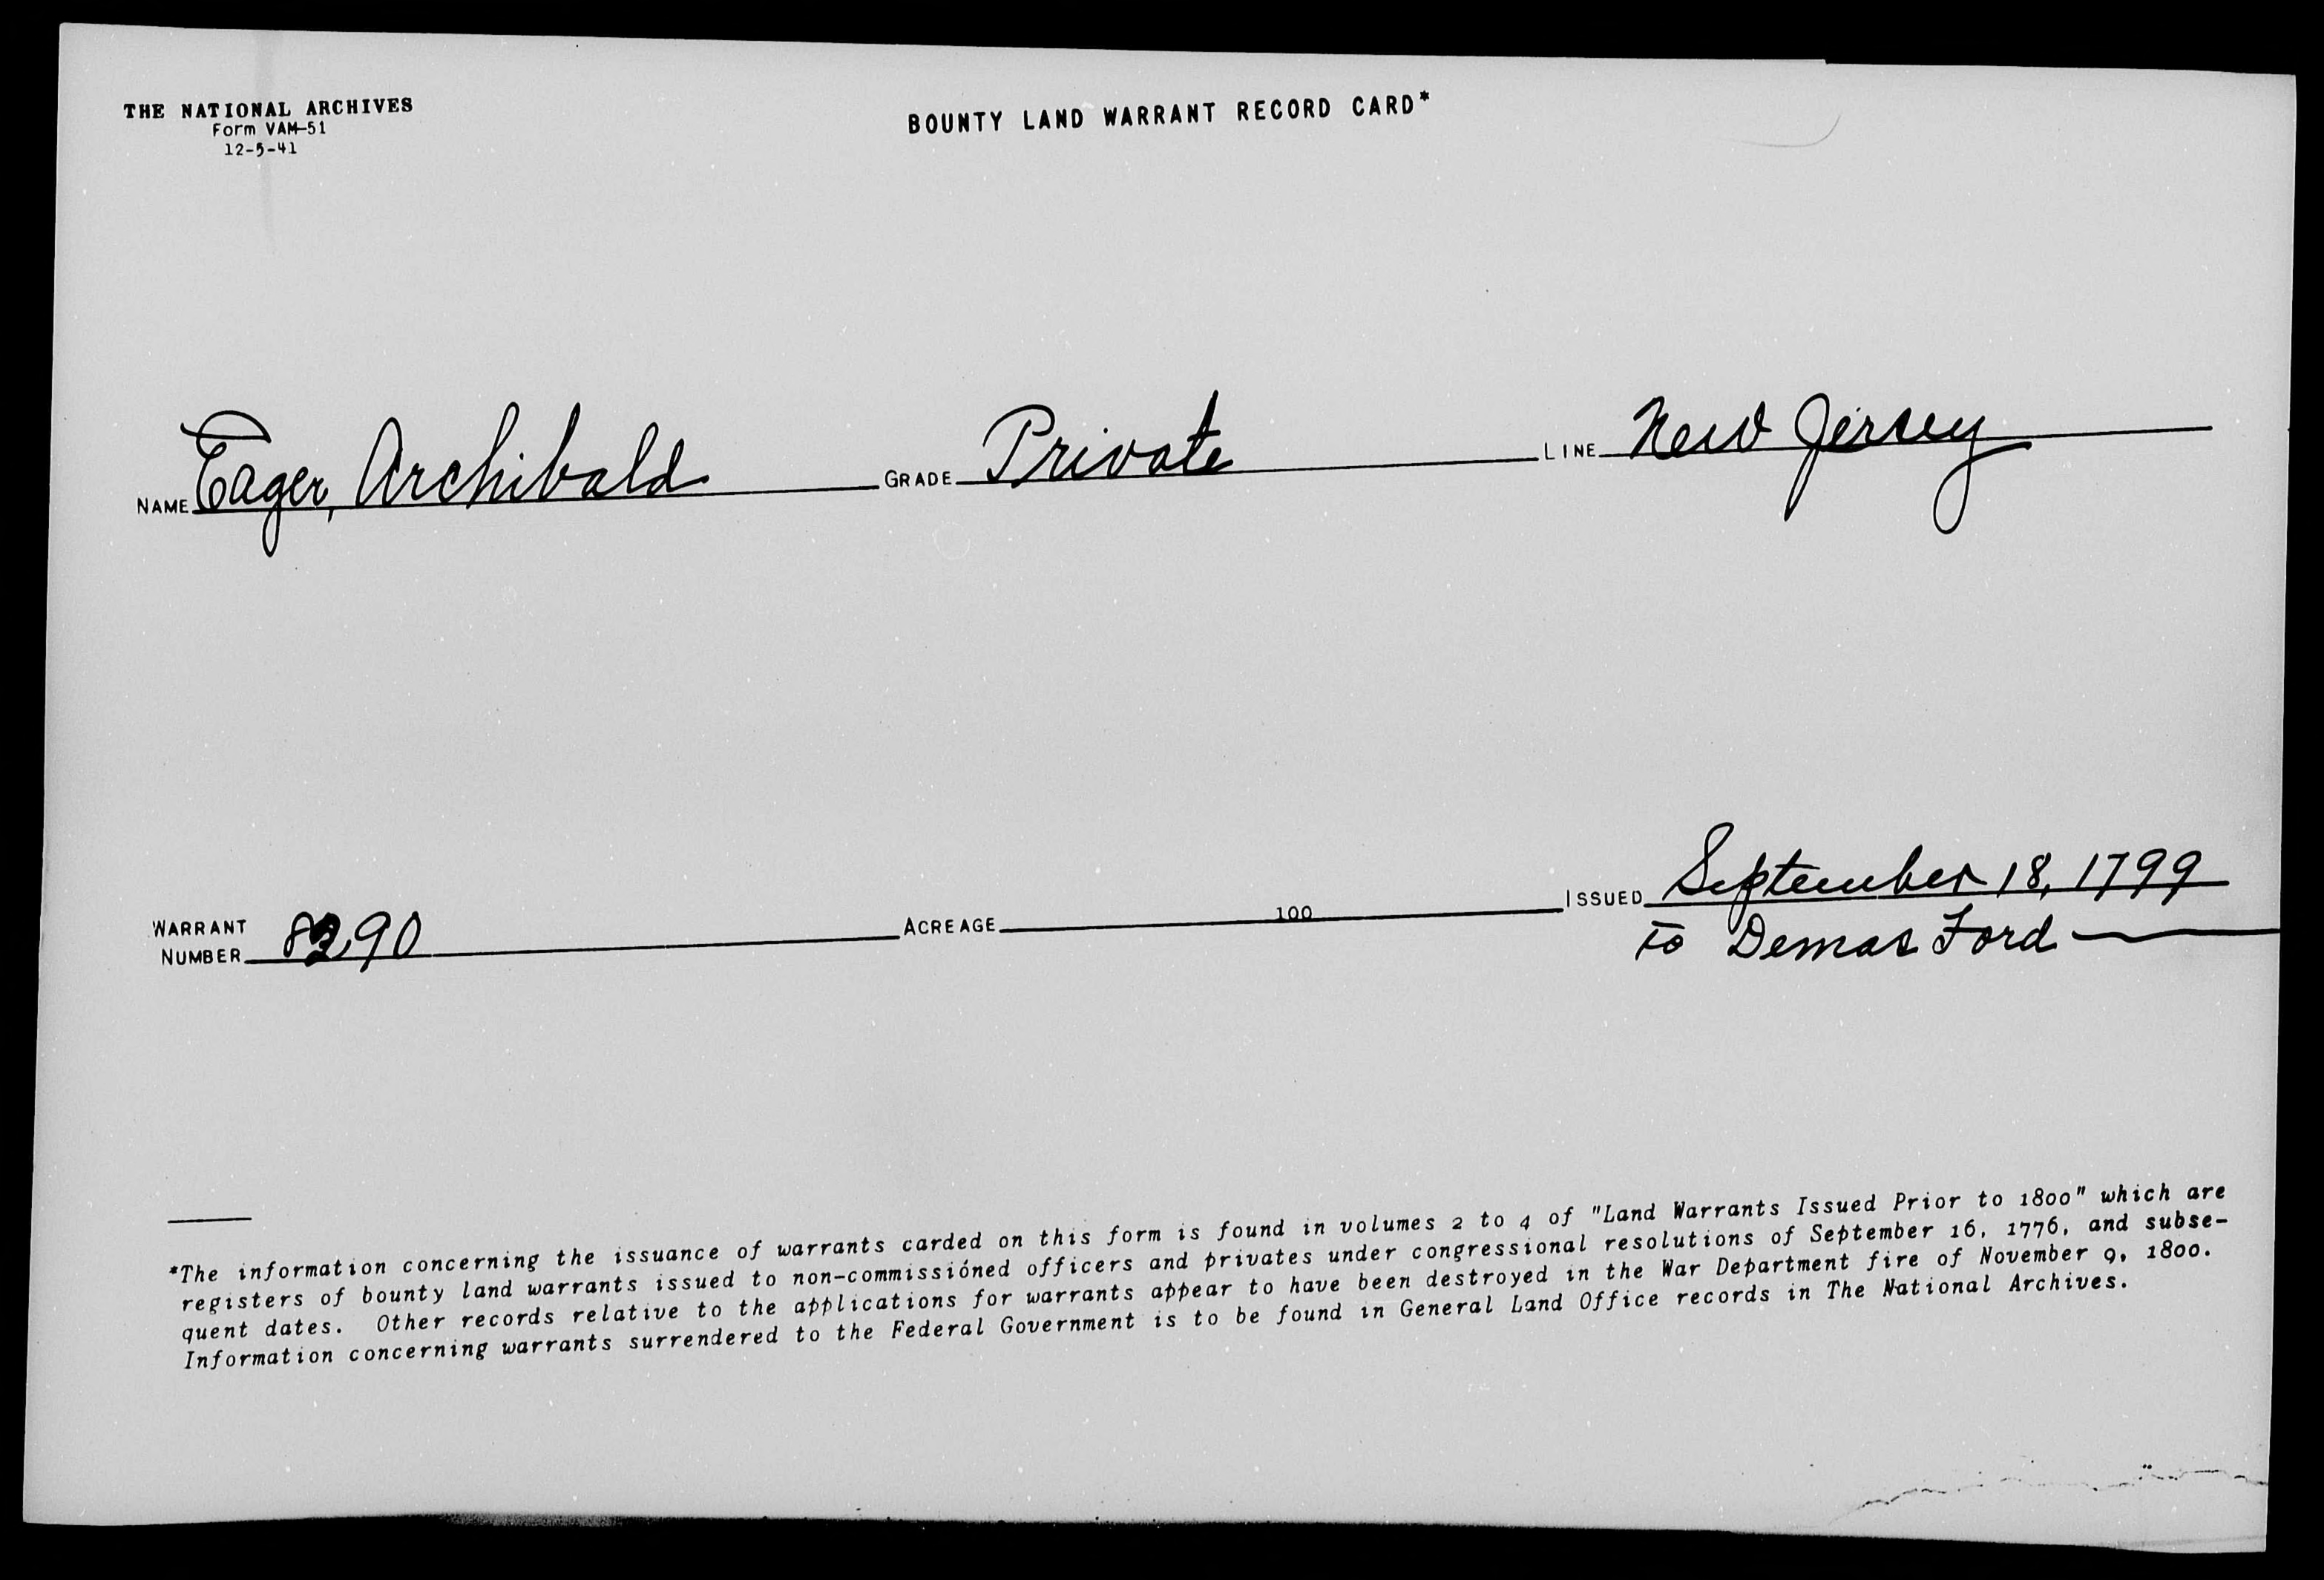Eager, Archibald      Private        New Jersey

8290                                 September 18, 1799
                                               to Demas Ford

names: Demas Ford, Archibald Eager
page: 2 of 2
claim: widow's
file: W. 850, Archibald Eagar, New Jersey